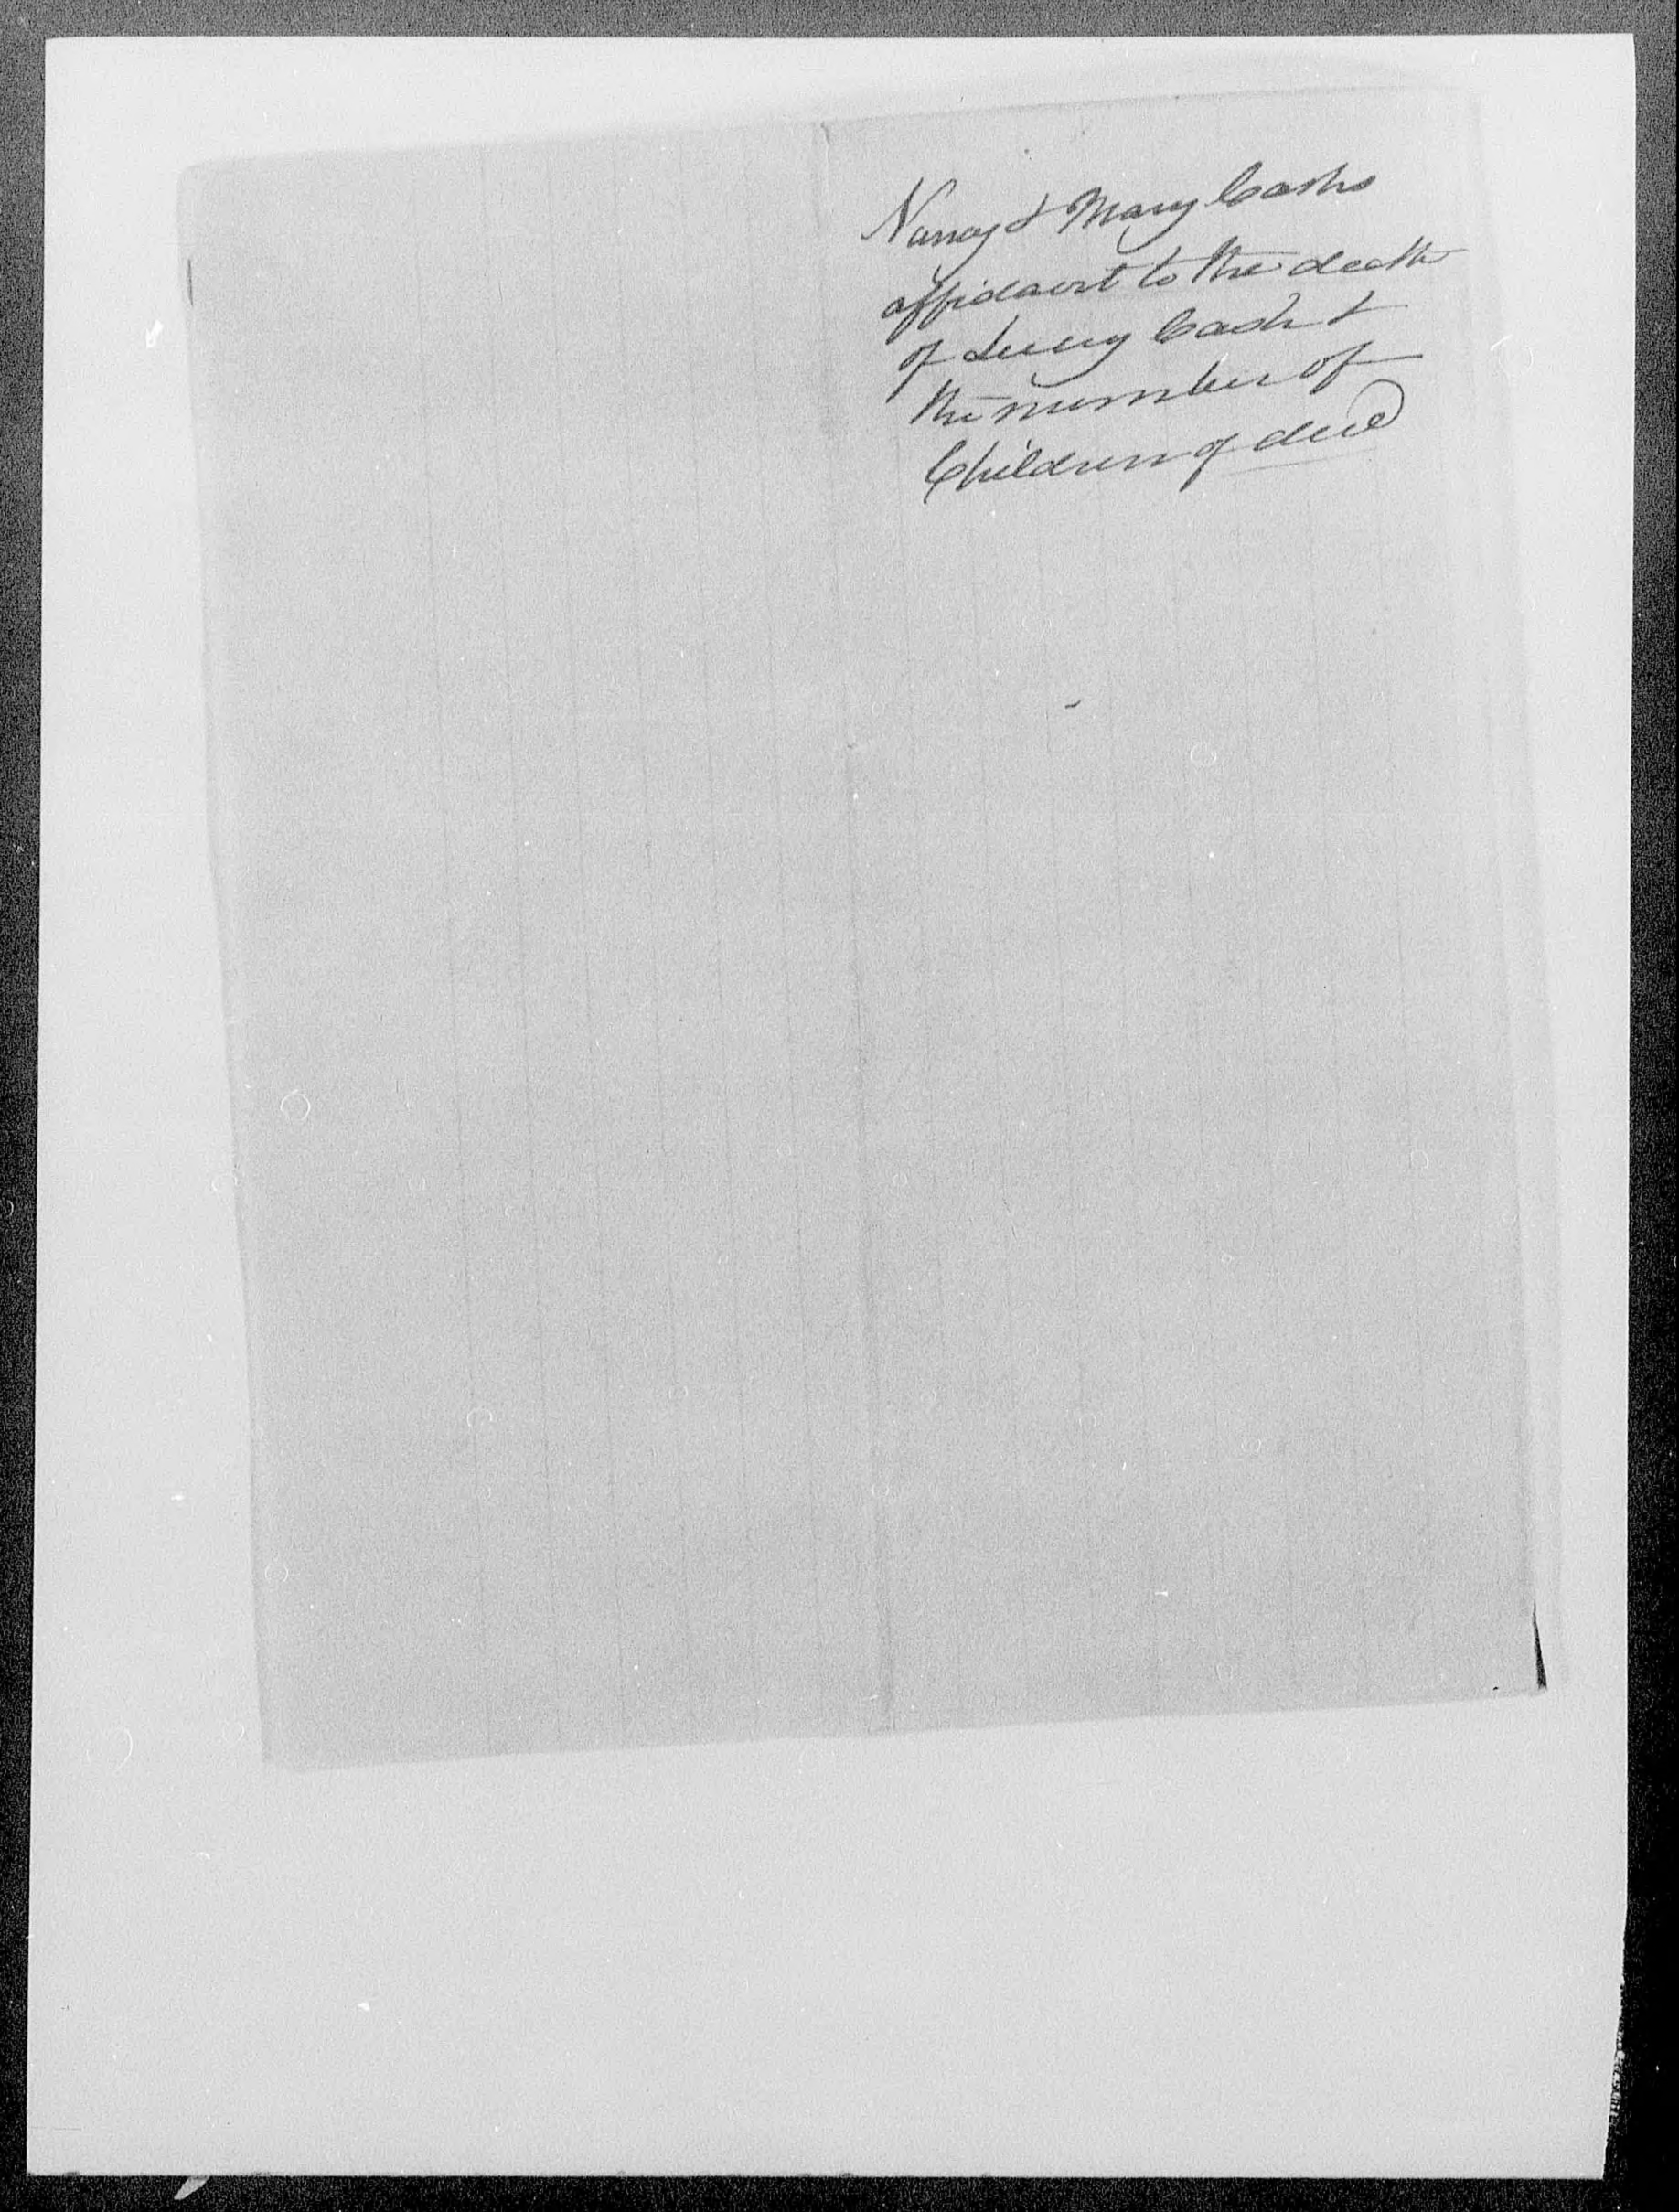Nancy & Mary Cash
affidavit to the death
of Lucy Cash &
the number of
Children of deceased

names: Lucey Cash, Nancy Cash, Mary Cash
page: 17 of 73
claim: widow's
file: W. 5,894, John Cash, Va.